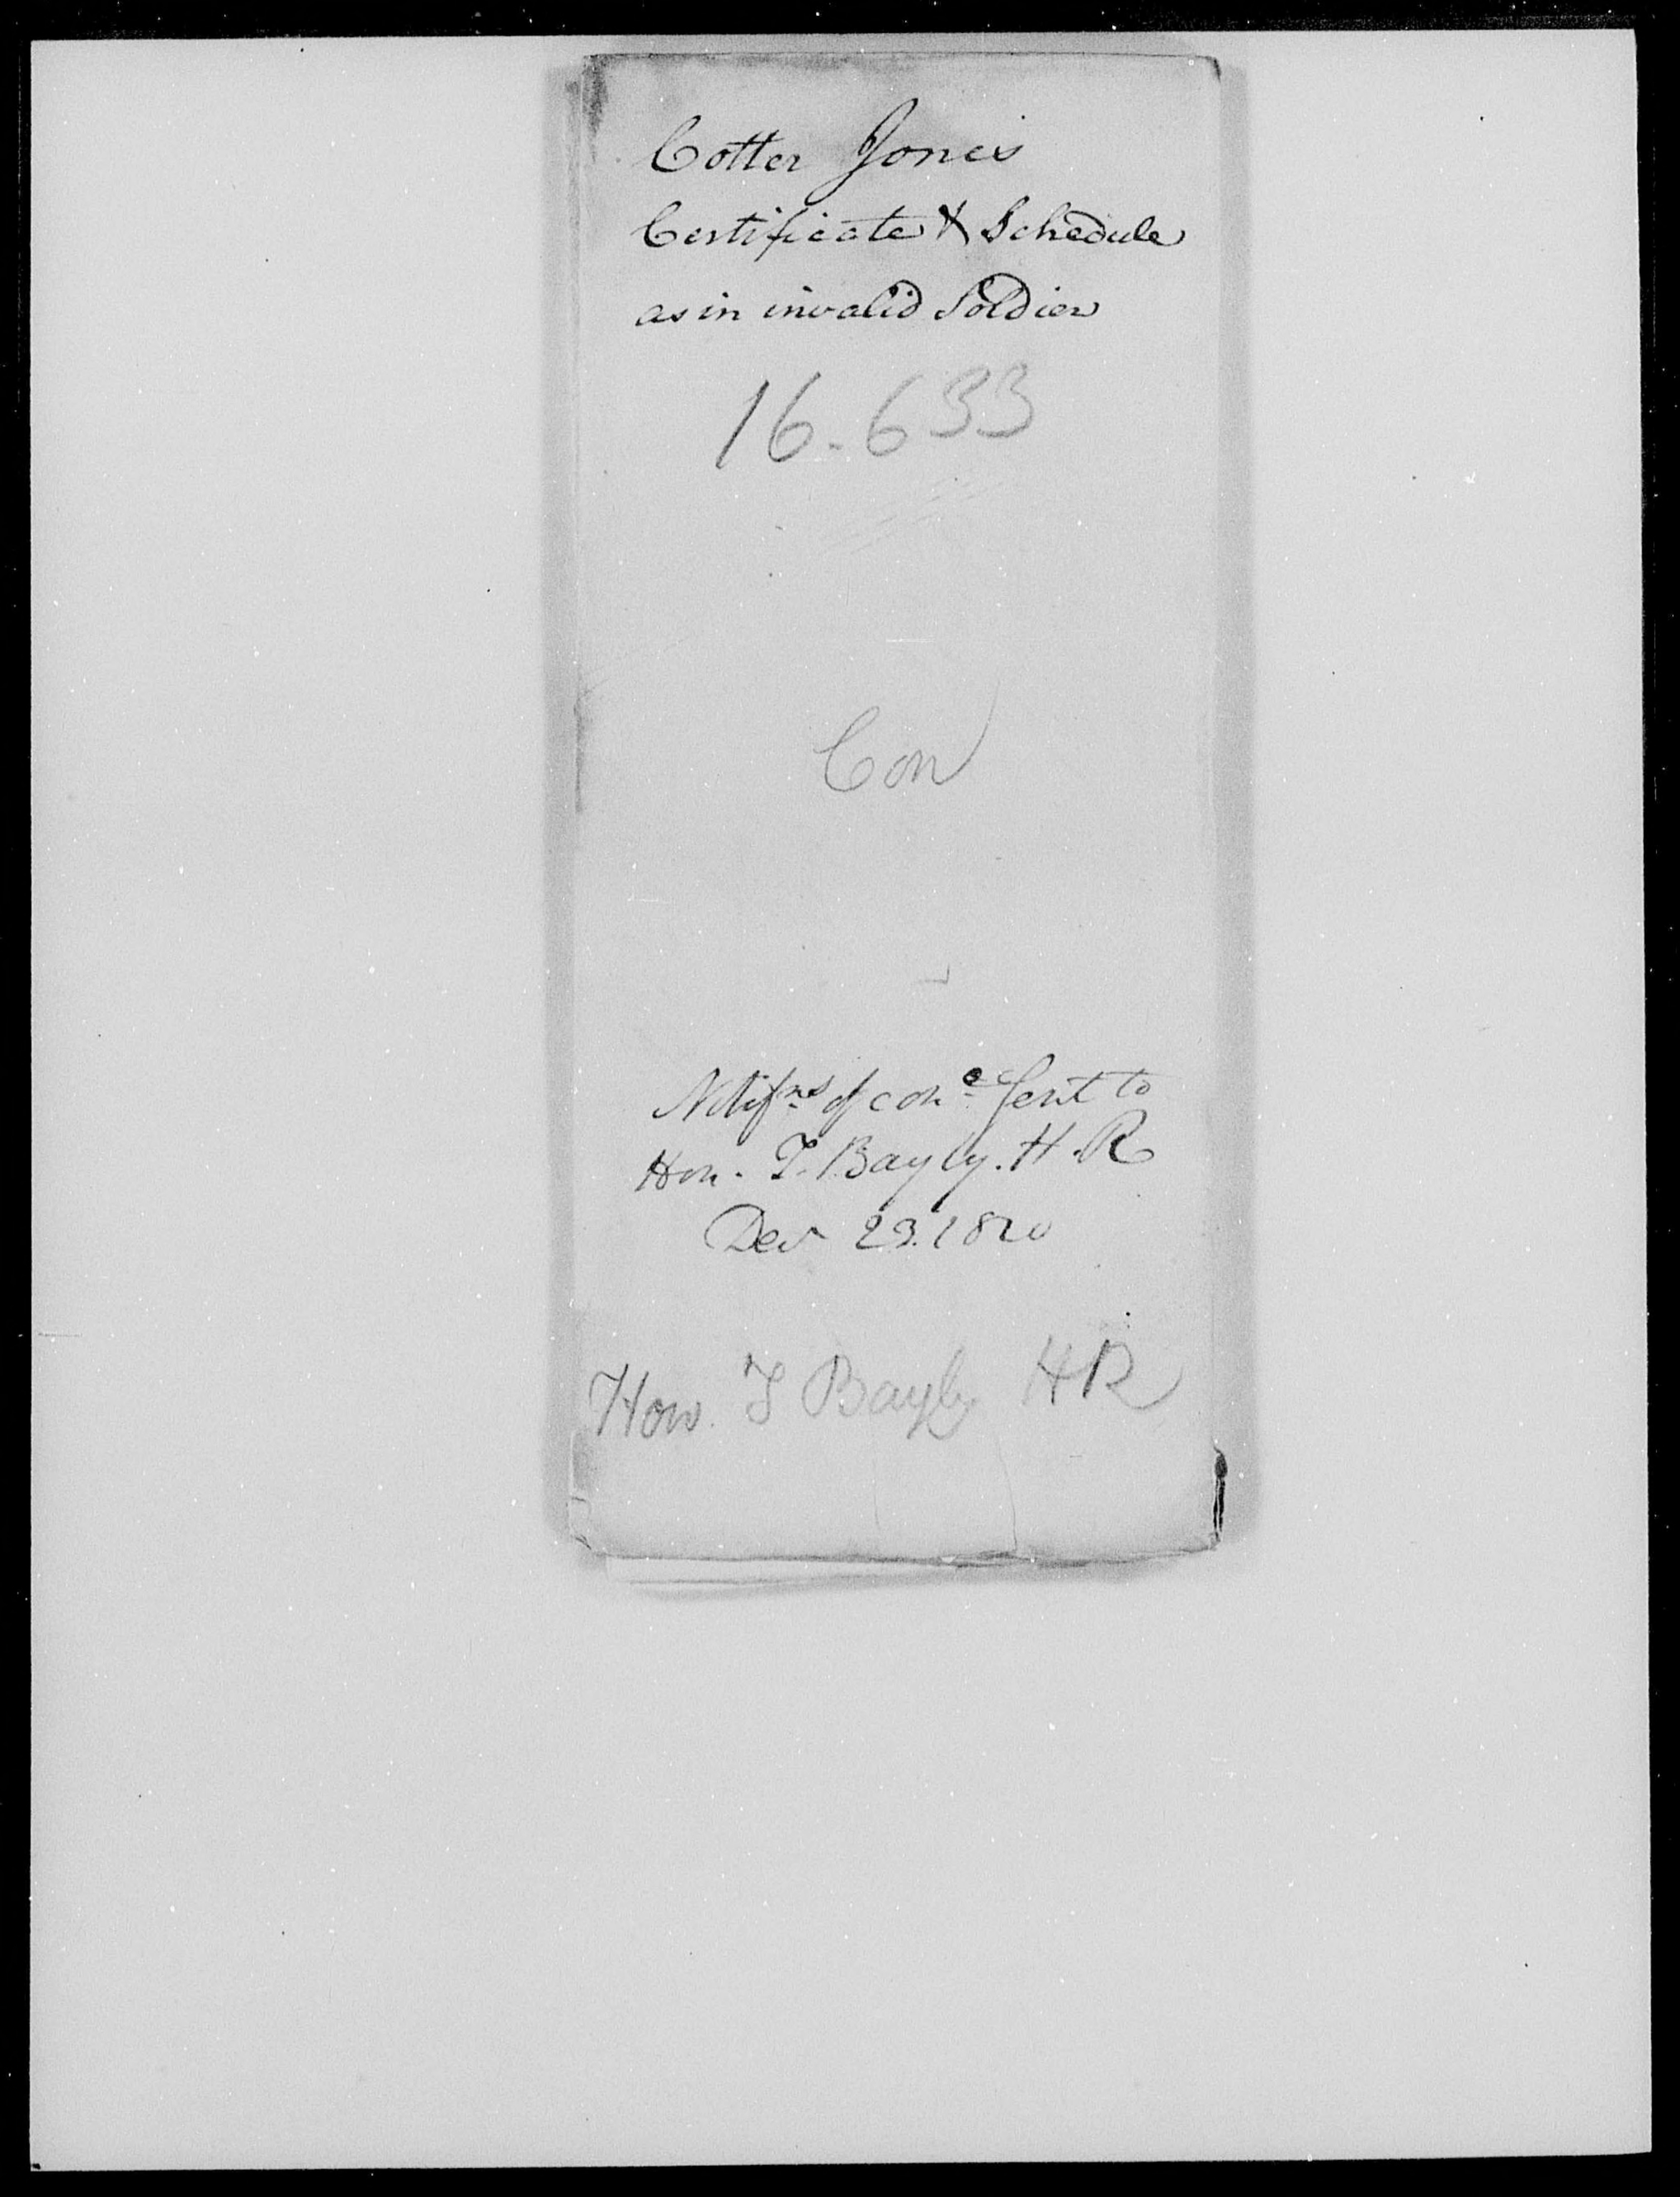Cotter Jones
Certificate & Schedule
as in invalid soldier

16633

Con

Notified of Con sent to Hon T Bayly H.R. 
Dec 23, 1820

Hon T. Bayly HR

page: 5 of 15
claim: survivor's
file: S. 34946, for Cotter Jones, Maryland